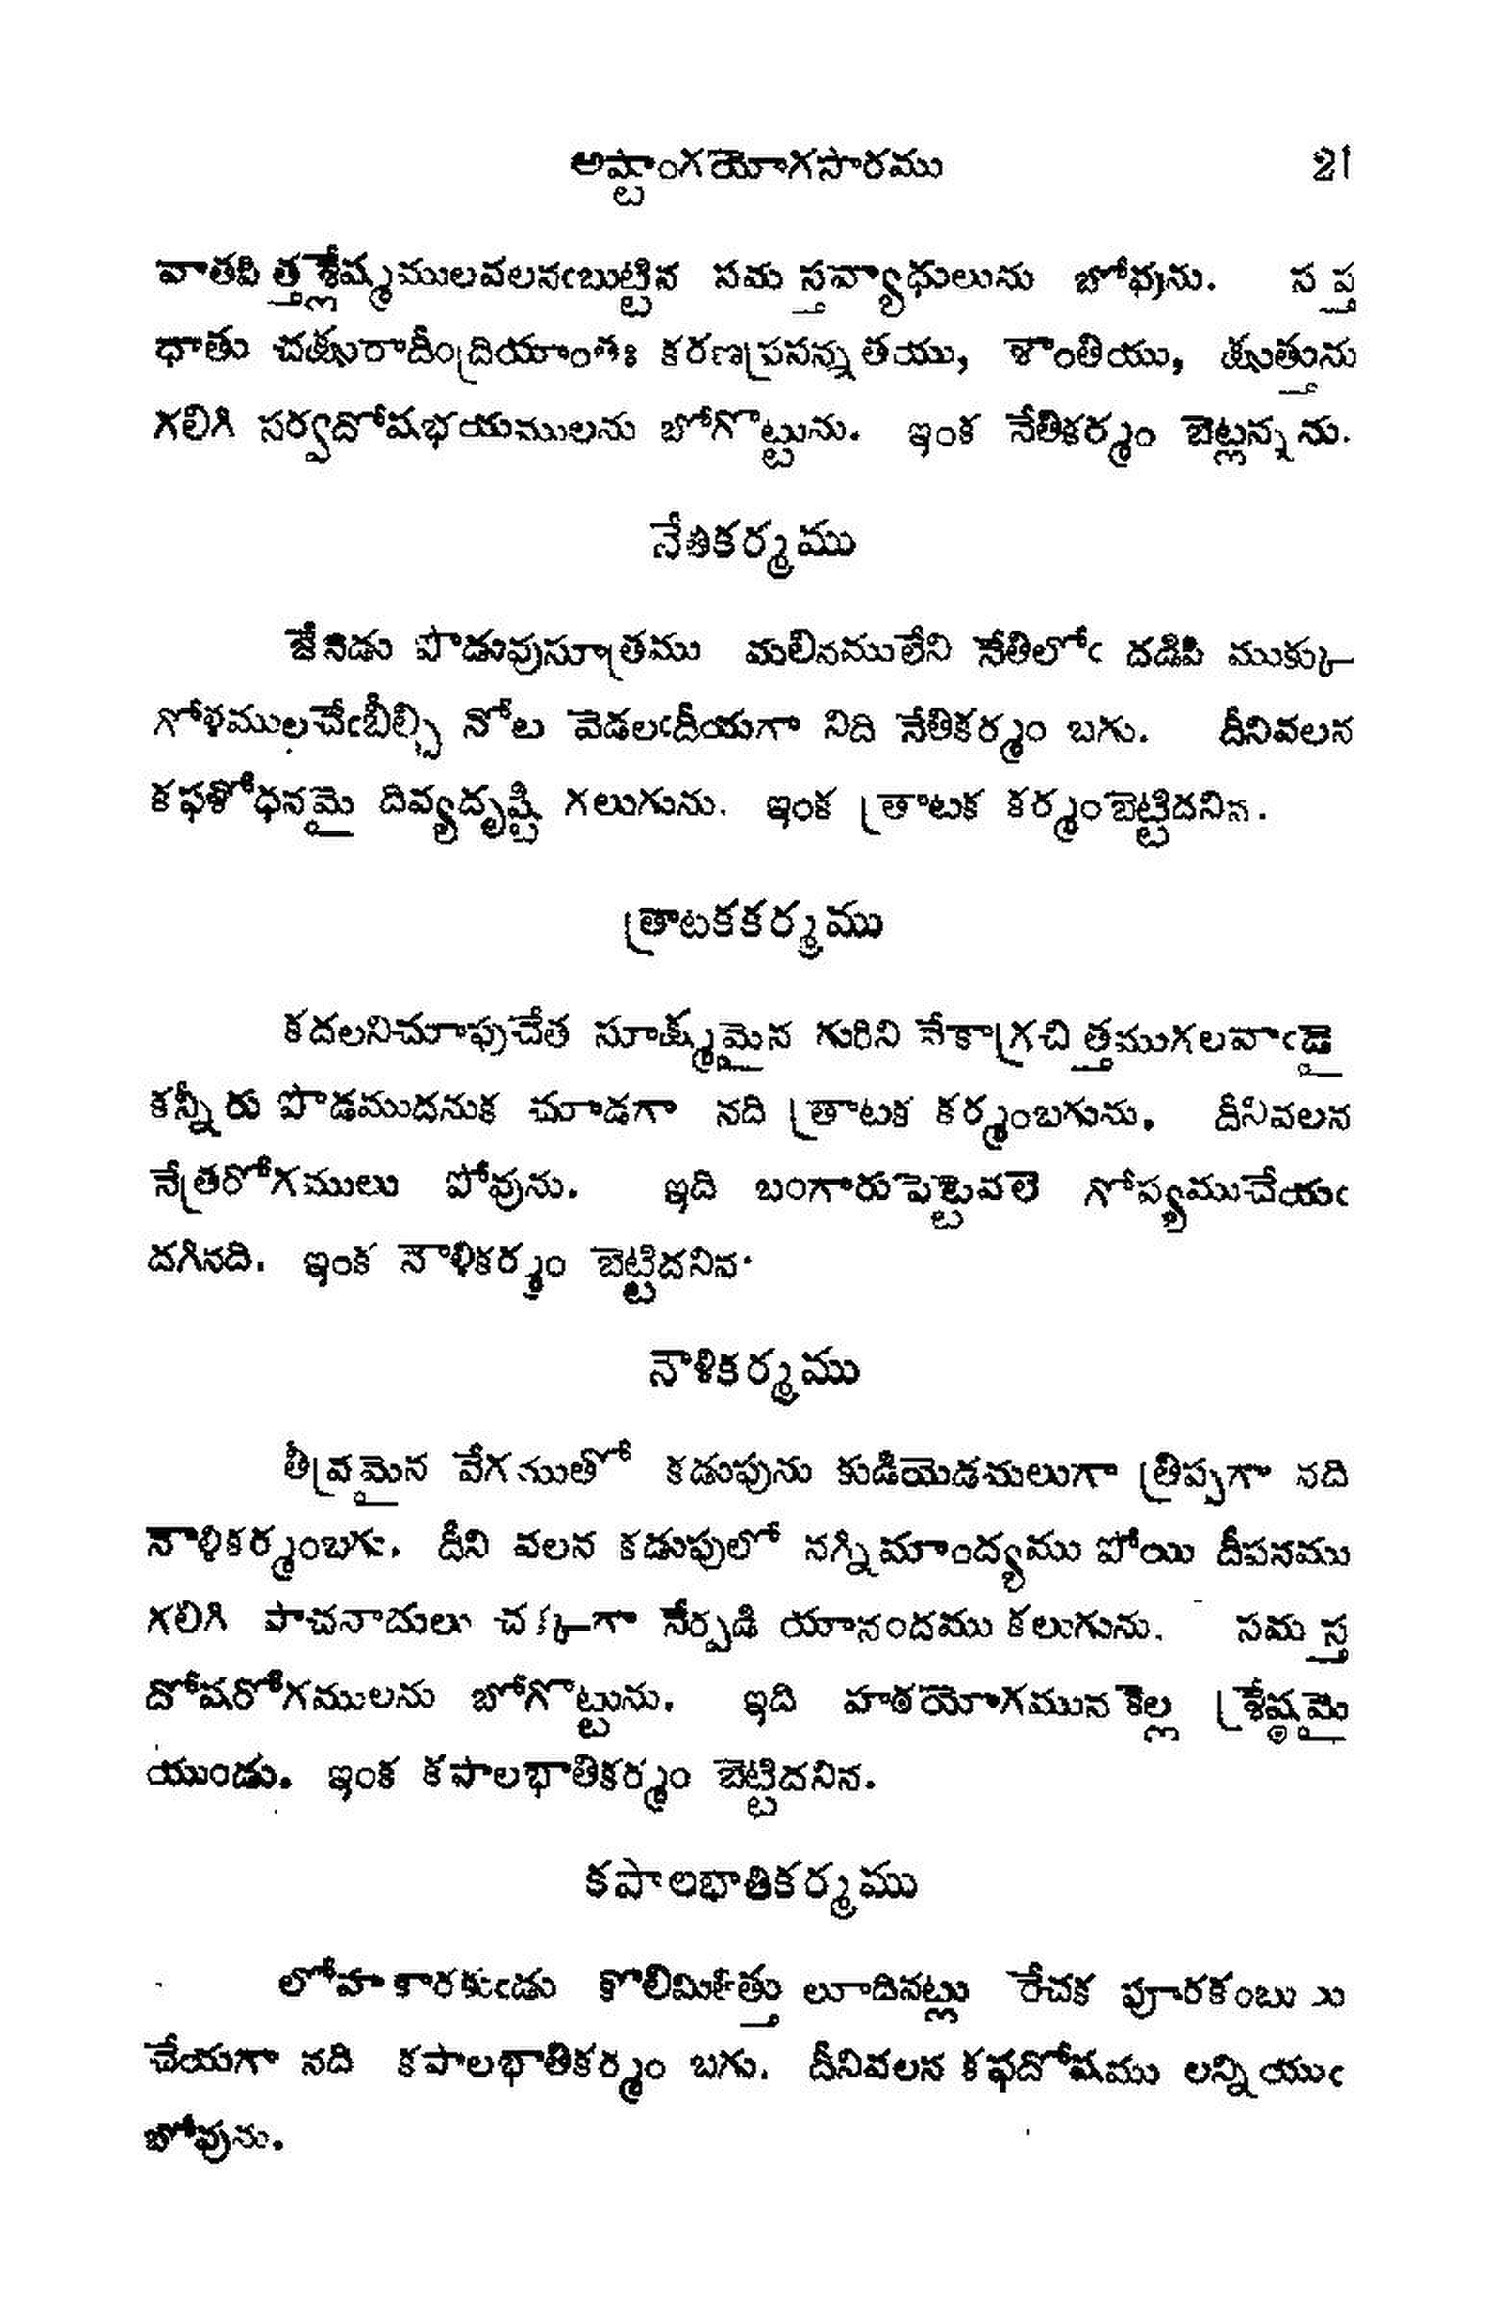వాతపిత్తశ్లేష్మములవలనఁ బుట్టిన సమస్తవ్యాధులును బోవును. సప్తధాతుచక్షురాదీంద్రియాంతఃకరణప్రసన్నతయు, శాంతియు, క్షుత్తును గలిగి సర్వదోషభయములను బోగొట్టును. ఇంక నేతికర్మం బెట్లన్నను.

జేనెడు పొడువుసూత్రము మలినములేని నేతిలోఁ దడిపి ముక్కుగోళములచేఁ బీల్చి నోట వెడలదీయగా నిది నేతికర్మం బగు. దీనివలన కఫశోధనమై దివ్యదృష్టి గలుగును. ఇంక త్రాటక కర్మం బెట్టిదనిన.

కదలనిచూపుచేత సూక్ష్మమైన గురిని నేకాగ్రచిత్తముగలవాడై కన్నీరు పొడముడనుక చూడగా నది త్రాటకకర్మంబగును. దీనివలన నేత్రరోగములు పోవును. ఇది బంగారుపెట్టెవలె గోప్యముచేయఁదగినది. ఇంక నౌళికర్మం బెట్టిదనిన.

తీవ్రమైన వేగముతో కడుపును కుడియెడమలుగా త్రిప్పగా నది నాళికర్మంబగు. దీని వలన కడుపులో నగ్నిమాంద్యము పోయి దీపనము గలిగి పాచనాదులు చక్కగా నేర్పడి యానందము కలుగును. సమస్తదోషరోగములను బోగొట్టును. ఇది హఠయోగమున కెల్ల శ్రేష్టమై యుండు. ఇంక కపాలభాతికర్మం బెట్టిదనిన.

లోహకారకుఁడు కొలిమితిత్తు లూదినట్లు రేచకపూరకంబులు చేయగా నది కపాలభాతికర్మం బగు. దీనివలన కఫదోషము లన్నియుఁ బోవును.